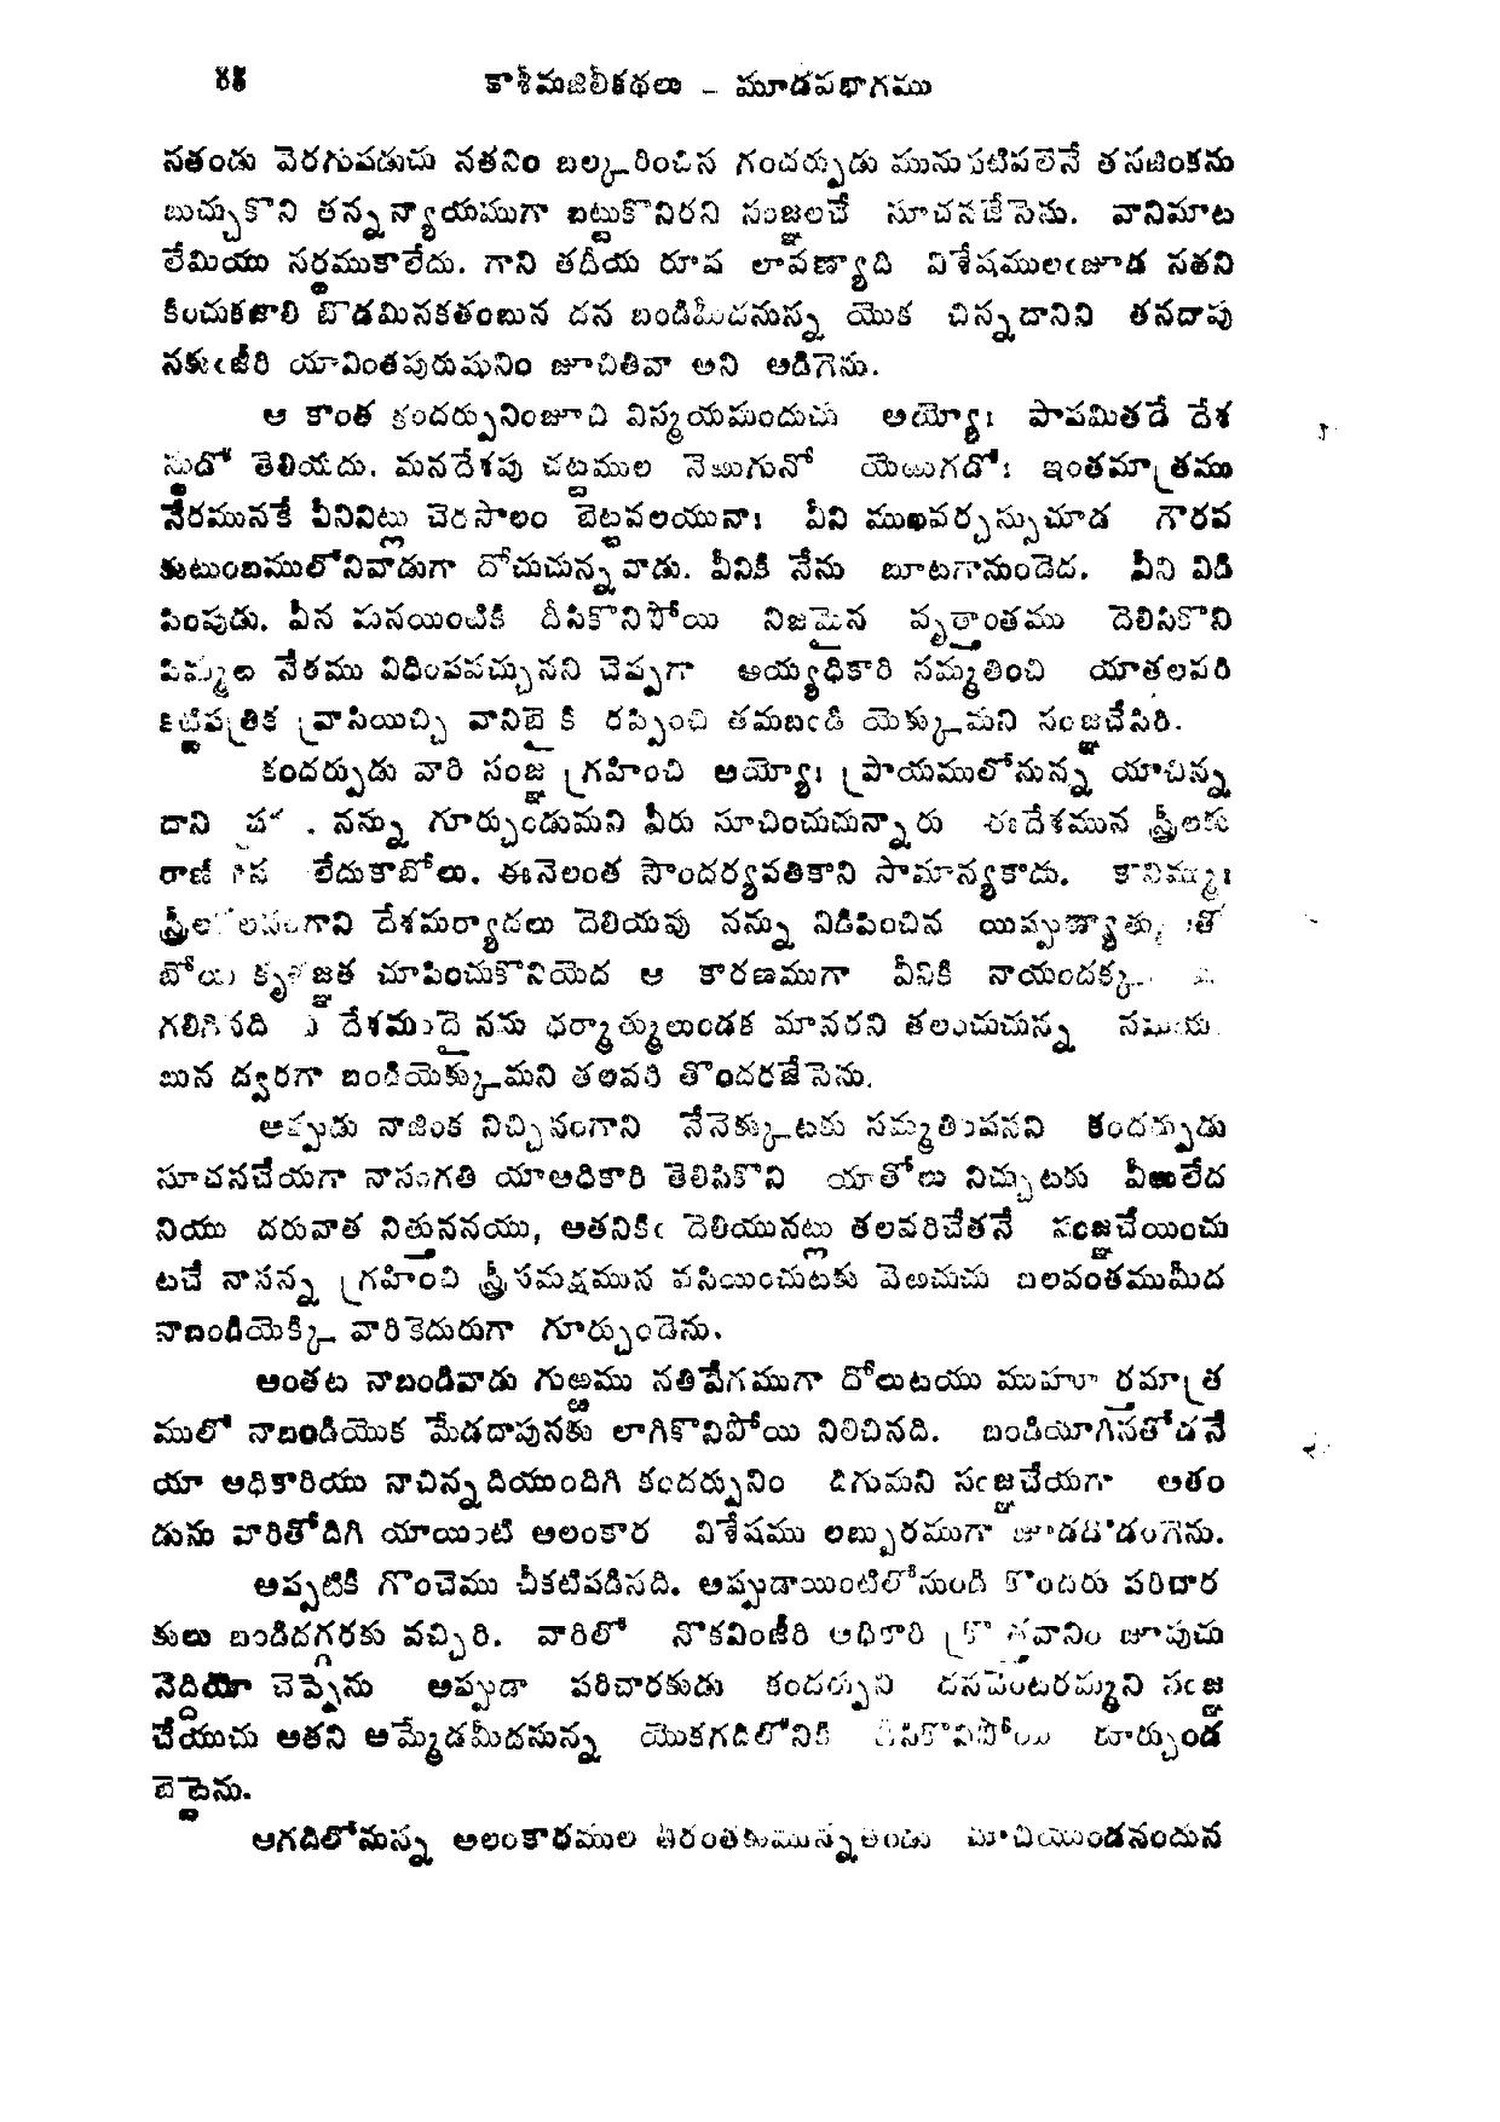నతండు వెరగుపడుచు నతనిం బల్కరించిన గందర్పుడు మునుపటివలెనే తనజింకను బుచ్చుకొని తన్నన్యాయముగా బట్టుకొనిరని సంజ్ఞలచే సూచనజేసెను. వానిమాట లేమియు నర్థముకాలేదు. గాని తదీయరూపలావణ్యాది విశేషములఁ జూడ నతని కించుకజాలి బొడమినకతంబున దన బండిమీదనున్న యొక చిన్నదానిని తనదాపునకుఁజీరి యావింతపురుషునిం జూచితివా అని అడిగెను.

ఆ కాంత కందర్పునింజూచి విస్మయమందుచు అయ్యో! పాపమితడే దేశస్థుడో తెలియదు. మనదేశపు చట్టముల నెఱుగునో యెఱుగడో? ఇంతమాత్రము నేరమునకే వీని నిట్లు చెరసాలం బెట్టవలయునా? వీని ముఖవర్చస్సుచూడ గౌరవ కుటుంబములోనివాడుగా దోచుచున్నవాడు. వీనికి నేను బూటగానుండెద. వీని విడిపింపుడు. వీన మనయింటికి దీసికొనిపోయి నిజమైన వృత్తాంతము దెలిసికొని పిమ్మట నేరము విధింపవచ్చునని చెప్పగా అయ్యధికారి సమ్మతించి యాతలవరి కట్టిపత్రిక వ్రాసియిచ్చి వాని బైకి రప్పించి తమబండి యెక్కుమని సంజ్ఞచేసిరి.

కందర్పుడు వారి సంజ్ఞ గ్రహించి అయ్యో! ప్రాయములోనున్న యాచిన్నదానిప్రక్కన నన్ను గూర్చుండుమని వీరు సూచించుచున్నారు. ఈదేశమున స్త్రీలకు రాణివాసము లేదుకాబోలు. ఈనెలంత సౌందర్యవతికాని సామాన్య కాదు. కానిమ్ము! స్త్రీలలోనంగాని దేశమర్యాదలు దెలియవు నన్ను విడిపించిన యిప్పుణ్యాత్ములతో బోయి కృతజ్ఞత చూపించుకొనియెద ఆ కారణముగా వీనికి నాయందక్కర గలిగినది ఏ దేశమందైనను ధర్మాత్ములుండక మానరని తలంచుచున్న సమయంబున ద్వరగా బండియెక్కుమని తలవరి తొందరజేసెను.

అప్పుడు నాజింక నిచ్చినంగాని నే నెక్కుటకు సమ్మతింపనని కందర్పుడు సూచనచేయగా నాసంగతి యాఅధికారి తెలిసికొని యాతోలు నిచ్చుటకు వీలులేదనియు దరువాత నిత్తుననయు, అతనికిఁ దెలియునట్లు తలవరిచేతనే సంజ్ఞచేయించుటచే నాసన్న గ్రహించి స్త్రీసమక్షమున వసియించుటకు వెఱచుచు బలవంతముమీద నాబండియెక్కి వారికెదురుగా గూర్చుండెను.

అంతట నాబండివాడు గుఱ్ఱము నతివేగముగా దోలుటయు ముహూర్తమాత్రములో నాబండియొక మేడదాపునకు లాగికొనిపోయి నిలిచినది. బండియాగినతోడనే యా అధికారియు నాచిన్నదియుందిగి కందర్పునిం దిగుమని సంజ్ఞచేయగా అతండును వారితో దిగి యాయింటి అలంకారవిశేషము లబ్బురముగా జూడదొడంగెను.

అప్పటికి గొంచెము చీకటిపడినది. అప్పుడాయింటిలోనుండి కొందరు పరిచారకులు బండిదగ్గరకు వచ్చిరి. వారిలో నొకనిం జీరి అధికారి క్రొత్తవానిం జూపుచు నెద్దియా చెప్పెను. అప్పుడా పరిచారకుడు కందర్పుని దనవెంటరమ్మని సంజ్ఞ చేయుచు అతని అమ్మేడమీదనున్న యొకగదిలోనికి దీసికొనిపోయి కూర్చుండ బెట్టెను.

ఆగదిలోనున్న అలంకారములతీ రంతకుము న్నతండు చూచియుండనందున